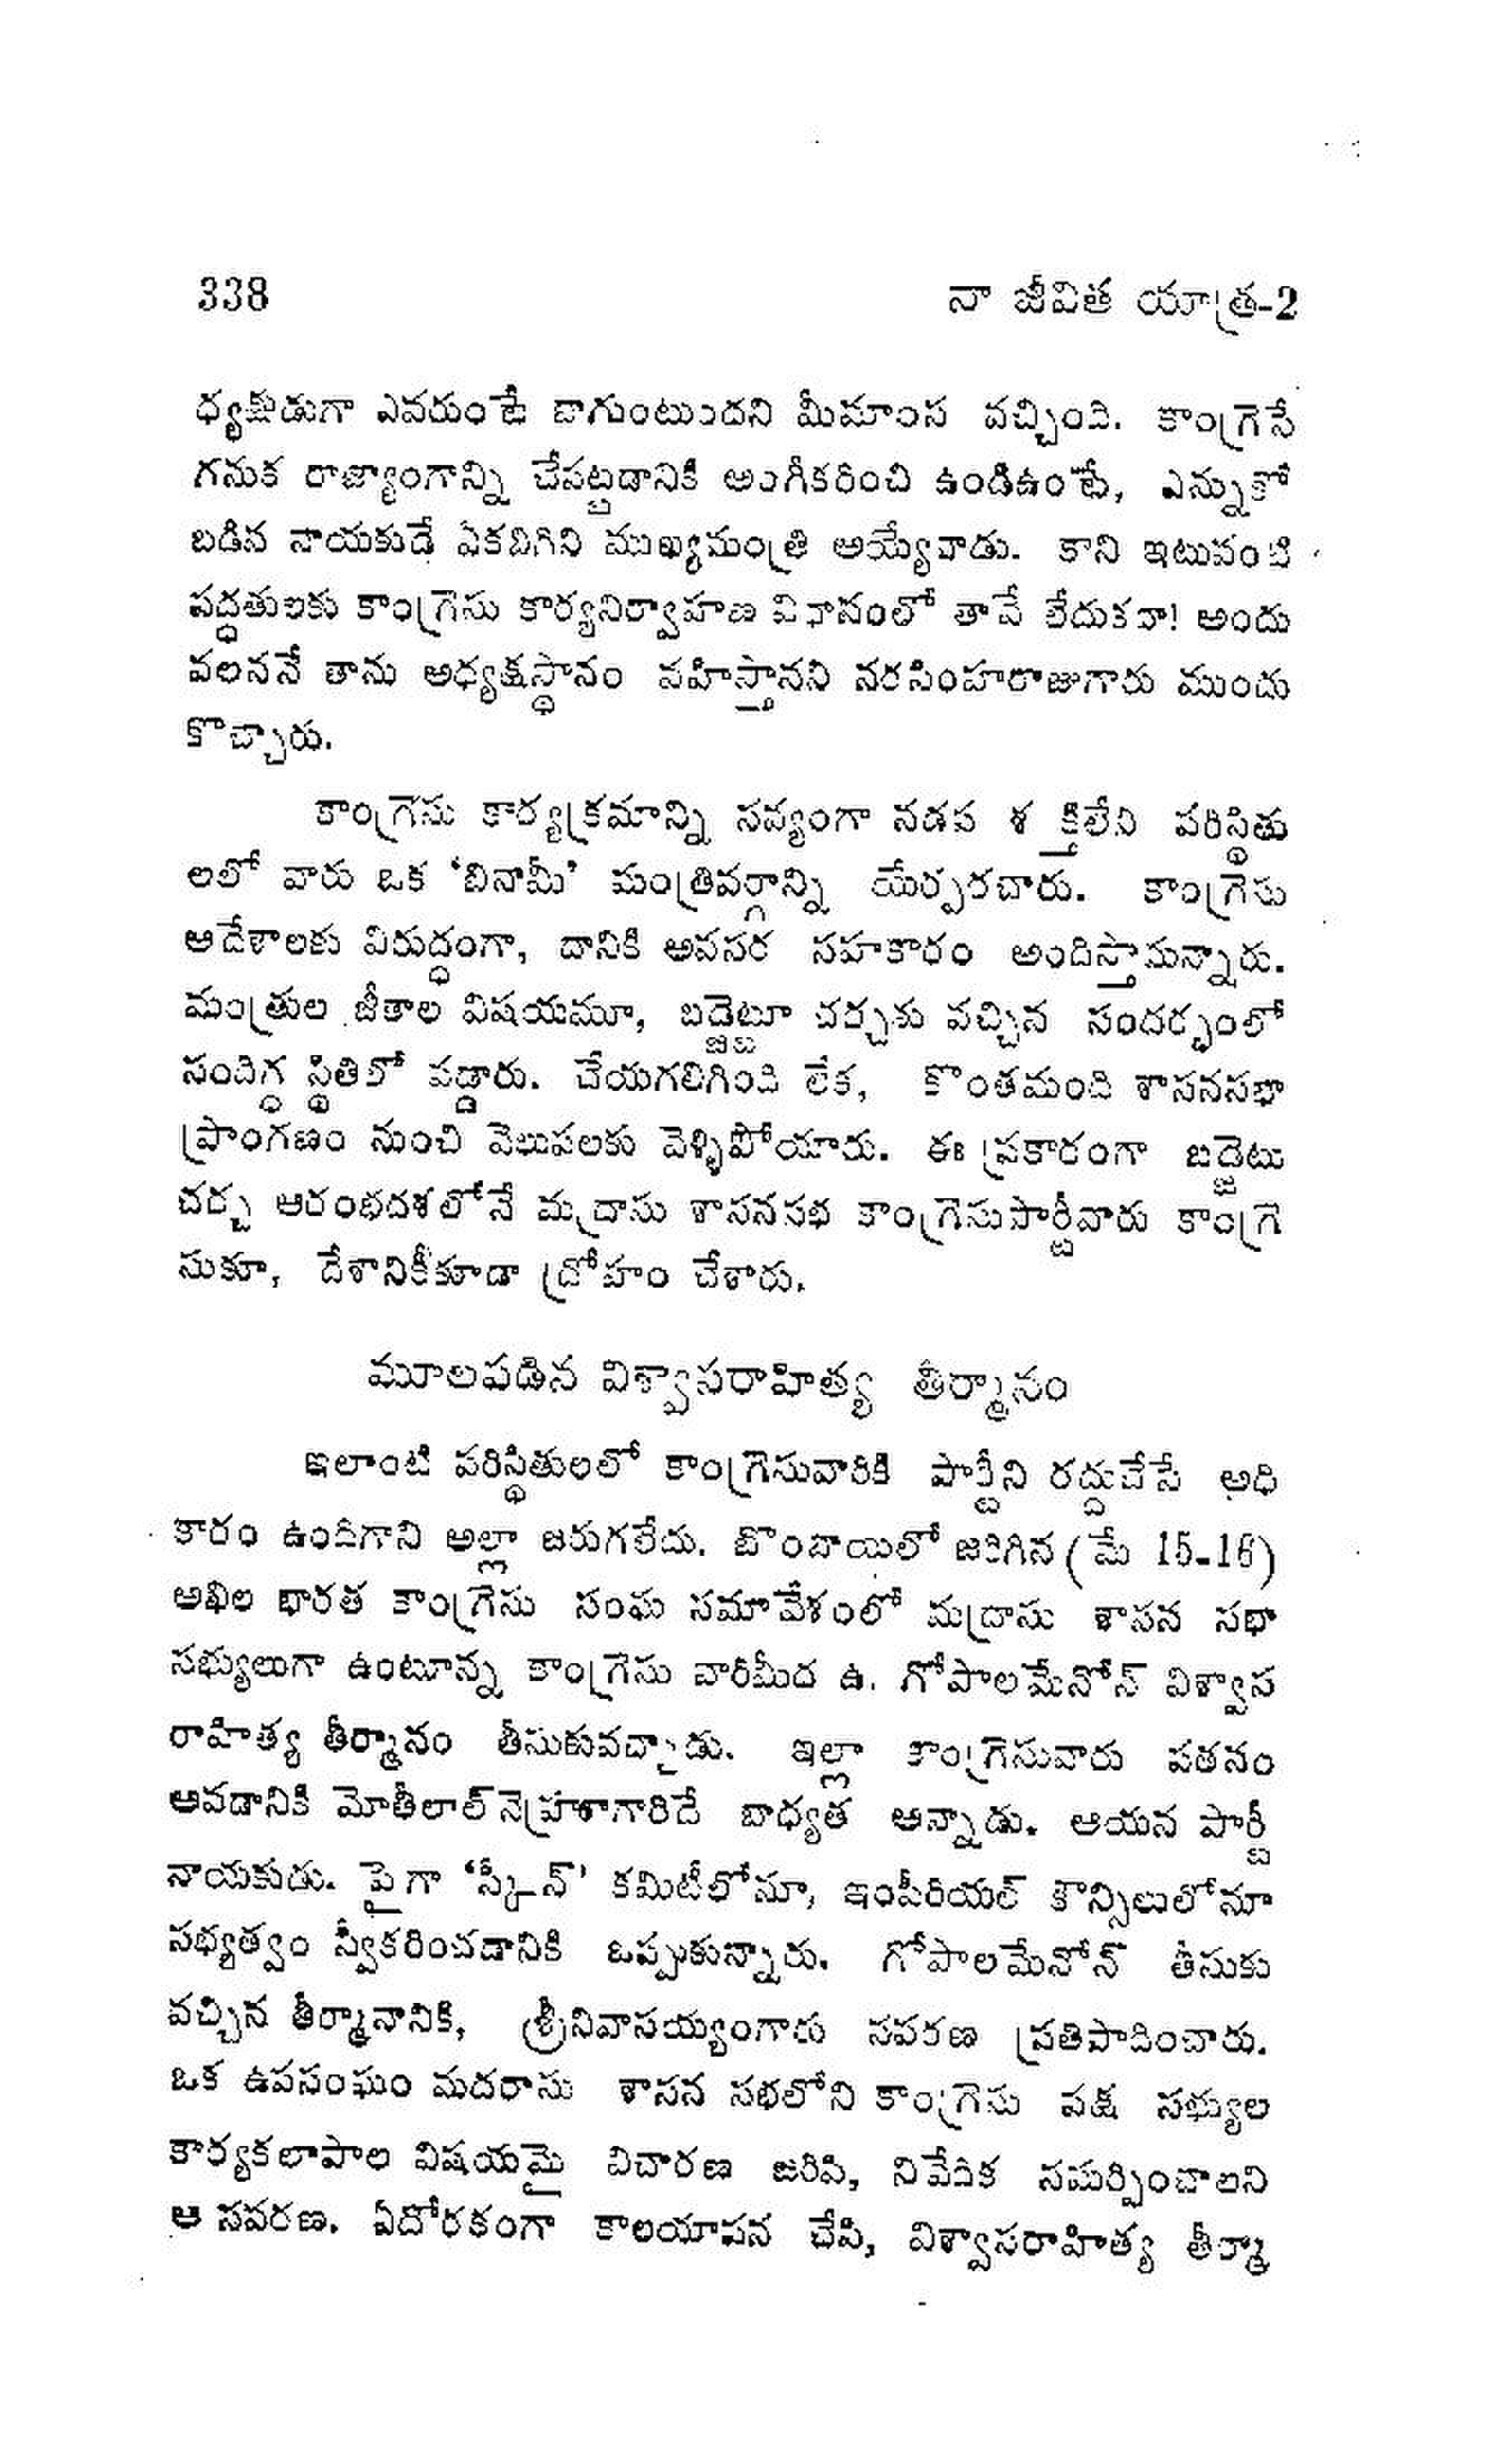ధ్యక్షుడుగా ఎవరుంటే బాగుంటుందని మీమాంస వచ్చింది. కాంగ్రెసే గనుక రాజ్యాంగాన్ని చేపట్టడానికి అంగీకరించిఉంటే, ఎన్నుకోబడిన నాయకుడే ఎకబిగిని ముఖ్యమంత్రి అయ్యేవాడు. కాని ఇటువంటి పద్దతులకు కాంగ్రెసు కార్యనిర్వహణ విధానంలో తావే లేదుకదా! అందువలననే తాను అధ్యక్షస్థానం వహిస్తానని నరసింహరాజుగారు ముందు కొచ్చారు.

కాంగ్రెసు కార్యక్రమాన్ని సవ్యంగా నడప శక్తిలేని పరిస్థితులలో వారు ఒక "బినామీ" మంత్రివర్గాన్ని యేర్పరచారు. కాంగ్రెసు ఆదేశాలకు విరుద్ధంగా, దానికి అవసర సహకారం అందిస్తామన్నారు. మంత్రుల జీతాల విషయమూ, బడ్జెట్టూ చర్చకు వచ్చిన సందర్భంలో సందిగ్ద స్థితిలో పడ్డారు. చేయగలిగింది లేక, కొంతమంది శాసనసభా ప్రాంగణం నుంచి వెలుపలకు వెళ్ళిపోయారు. ఈ ప్రకారంగా బడ్జెటు చర్చ ఆరంభదశలోనే మద్రాసు శాసనసభ కాంగ్రెసుపార్టీవారు కాంగ్రెసుకూ, దేశానికికూడా ద్రోహం చేశారు.

ఇలాంటి పరిస్థితులలో కాంగ్రెసువారికి పార్టీని రద్దుచేసే అధికారం ఉందిగాని అల్లా జరుగలేదు. బొంబాయిలో జరిగిన (మే 15-16) అఖిల భారత కాంగ్రెసు సంఘ సమావేశంలో మద్రాసు శాసన సభా సభ్యులుగా ఉంటూన్న కాంగ్రెసు వారిమీద ఉ. గోపాలమేనోన్ విశ్వాసరాహిత్య తీర్మానం తీసుకువచ్చాడు. ఇల్లా కాంగ్రెసువారు పతనం అవడానికి మోతిలాల్‌నెహ్రూగారిదే బాధ్యత అన్నాడు. ఆయన పార్టీ నాయకుడు. పైగా "స్కీన్" కమిటీలోనూ, ఇంపీరియల్ కౌన్సిలులోనూ సభ్యత్వం స్వీకరించడానికి ఒప్పుకున్నారు. గోపాలమేనోన్ తీసుకు వచ్చిన తీర్మానానికి, శ్రీనివాసయ్యంగారు సవరణ ప్రతిపాదించారు. ఒక ఉపసంఘం మదరాసు శాసన సభలోని కాంగ్రెసు పక్ష సభ్యుల కార్యకలాపాల విషయమై విచారణ జరిపి, నివేదిక సమర్పించాలని ఆ సవరణ. ఏదోరకంగా కాలయాపన చేసి, విశ్వాసరాహిత్య తీర్మా